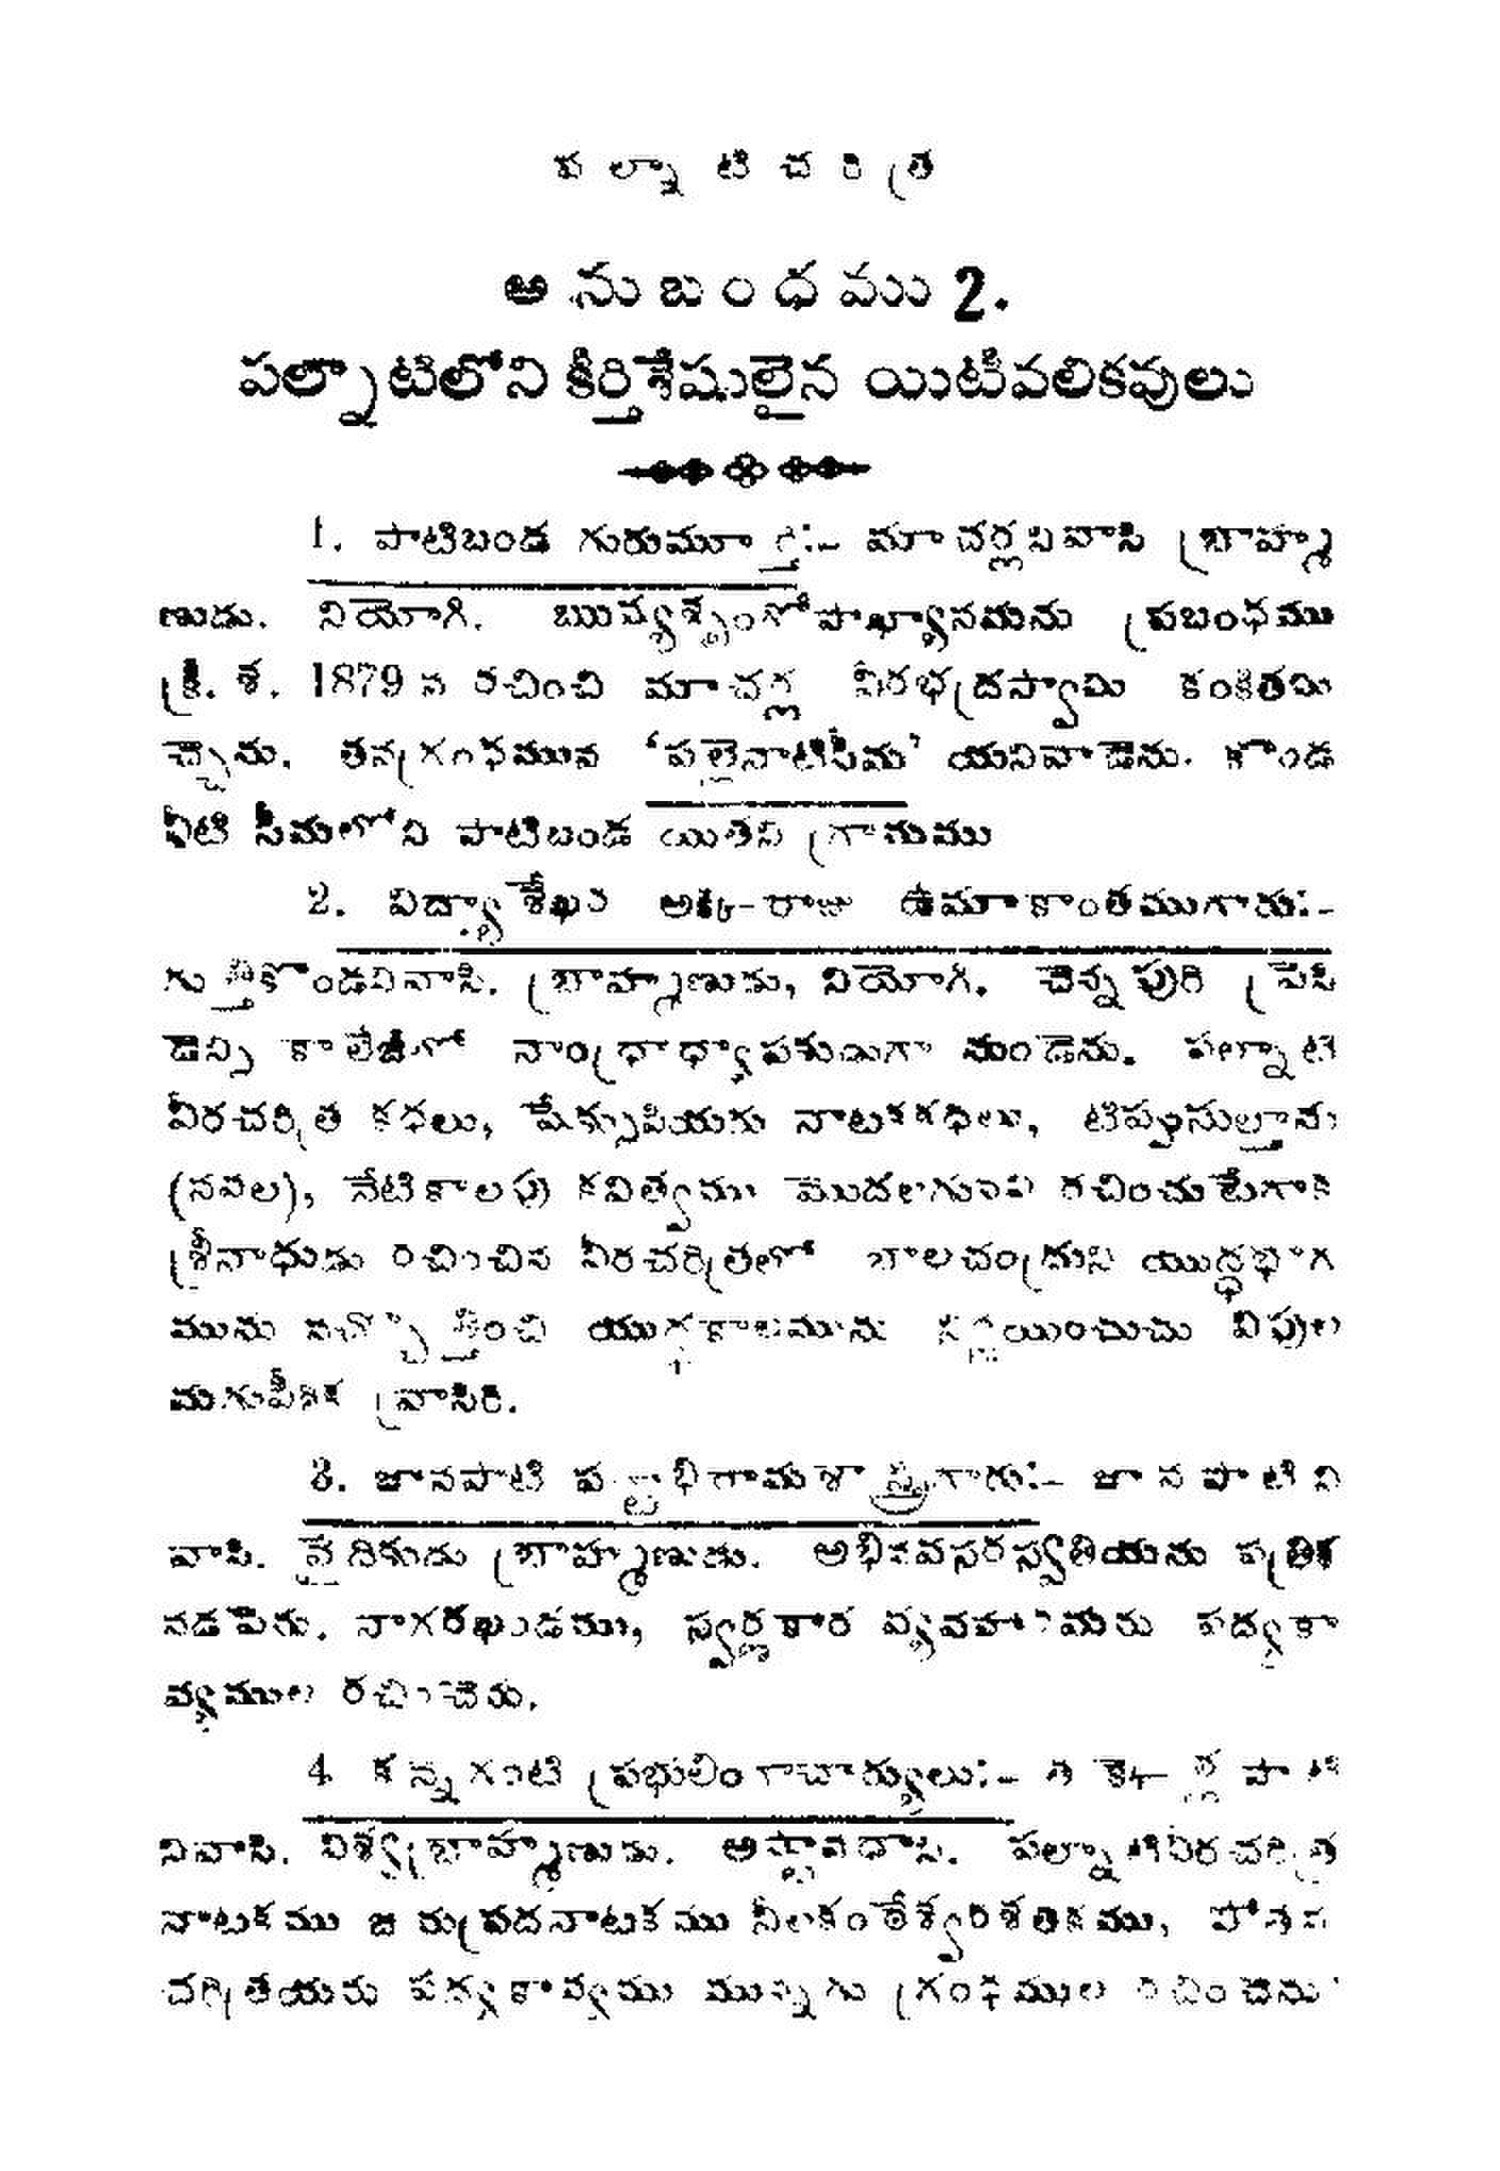1. పాటిబండ గురుమూర్తి :- మాచర్ల నివాసి బ్రాహ్మణుడు నియోగి. 
ఋష్యశృంగోపాఖ్యానమను ప్రబంధము క్రీ. శ. 1879 న రచించి 
మాచర్ల వీరభద్రస్వామి కంకితమిచ్చెను. తన గ్రంధమున 'పల్లెనాటిసీమ' యనివాడెను. 
కొండవీటి సీమలోని పాటిబండ యితని గ్రామము

2. విద్యాశేఖర అక్కిరాజు ఉమాకాంతము గారు:-
గుత్తికొండనివాసి, బ్రాహ్మణుడు , నియోగి, చెన్నపురి ప్రెసిడెన్నీ 
కాలేజీలో నాంధ్రాధ్యాపకుడుగా నుండెను. పల్నాటి
వీర చరిత్ర కధలు, షేక్సుపియరు నాటకకధలు, టిప్పుసుల్తాను
(నవల), నేటికాలపు కవిత్వము మొదలగునవి రచించుటేగాక 
శ్రీనాధుడు రచించిన వీరచరిత్రలో బాలచంద్రుని యుద్ధభాగమును 
అచ్చొత్తించి యుద్ధకాలమును నిర్ణయించుచు విపుల
మగు పీఠిక వ్రాసిరి.

3. జానపాటి పట్టాభిరామశాస్త్రిగారు:- జానపాటినివాసి. 
వైదికుడు బ్రాహ్మణుడు. అభినవసరస్వతియను పత్రిక
నడపెను. నాగరఖండము, స్వర్ణకార వ్యవహార మను 
పద్యకావ్యముల రచించెను.

4. కన్నెగంటి ప్రభులింగాచార్యులు: తక్కెళ్లపాటి నివాసి. 
విశ్వబ్రాహ్మణుడు. అష్టావధాని. పల్నాటి వీరచరిత్ర 
నాటకము జయప్రద నాటకము నీలకంఠేశ్వర శతకము, పోతన
చరిత్రేయరు పద్యకావ్యము మున్నగు గ్రంధములు రచించెను '